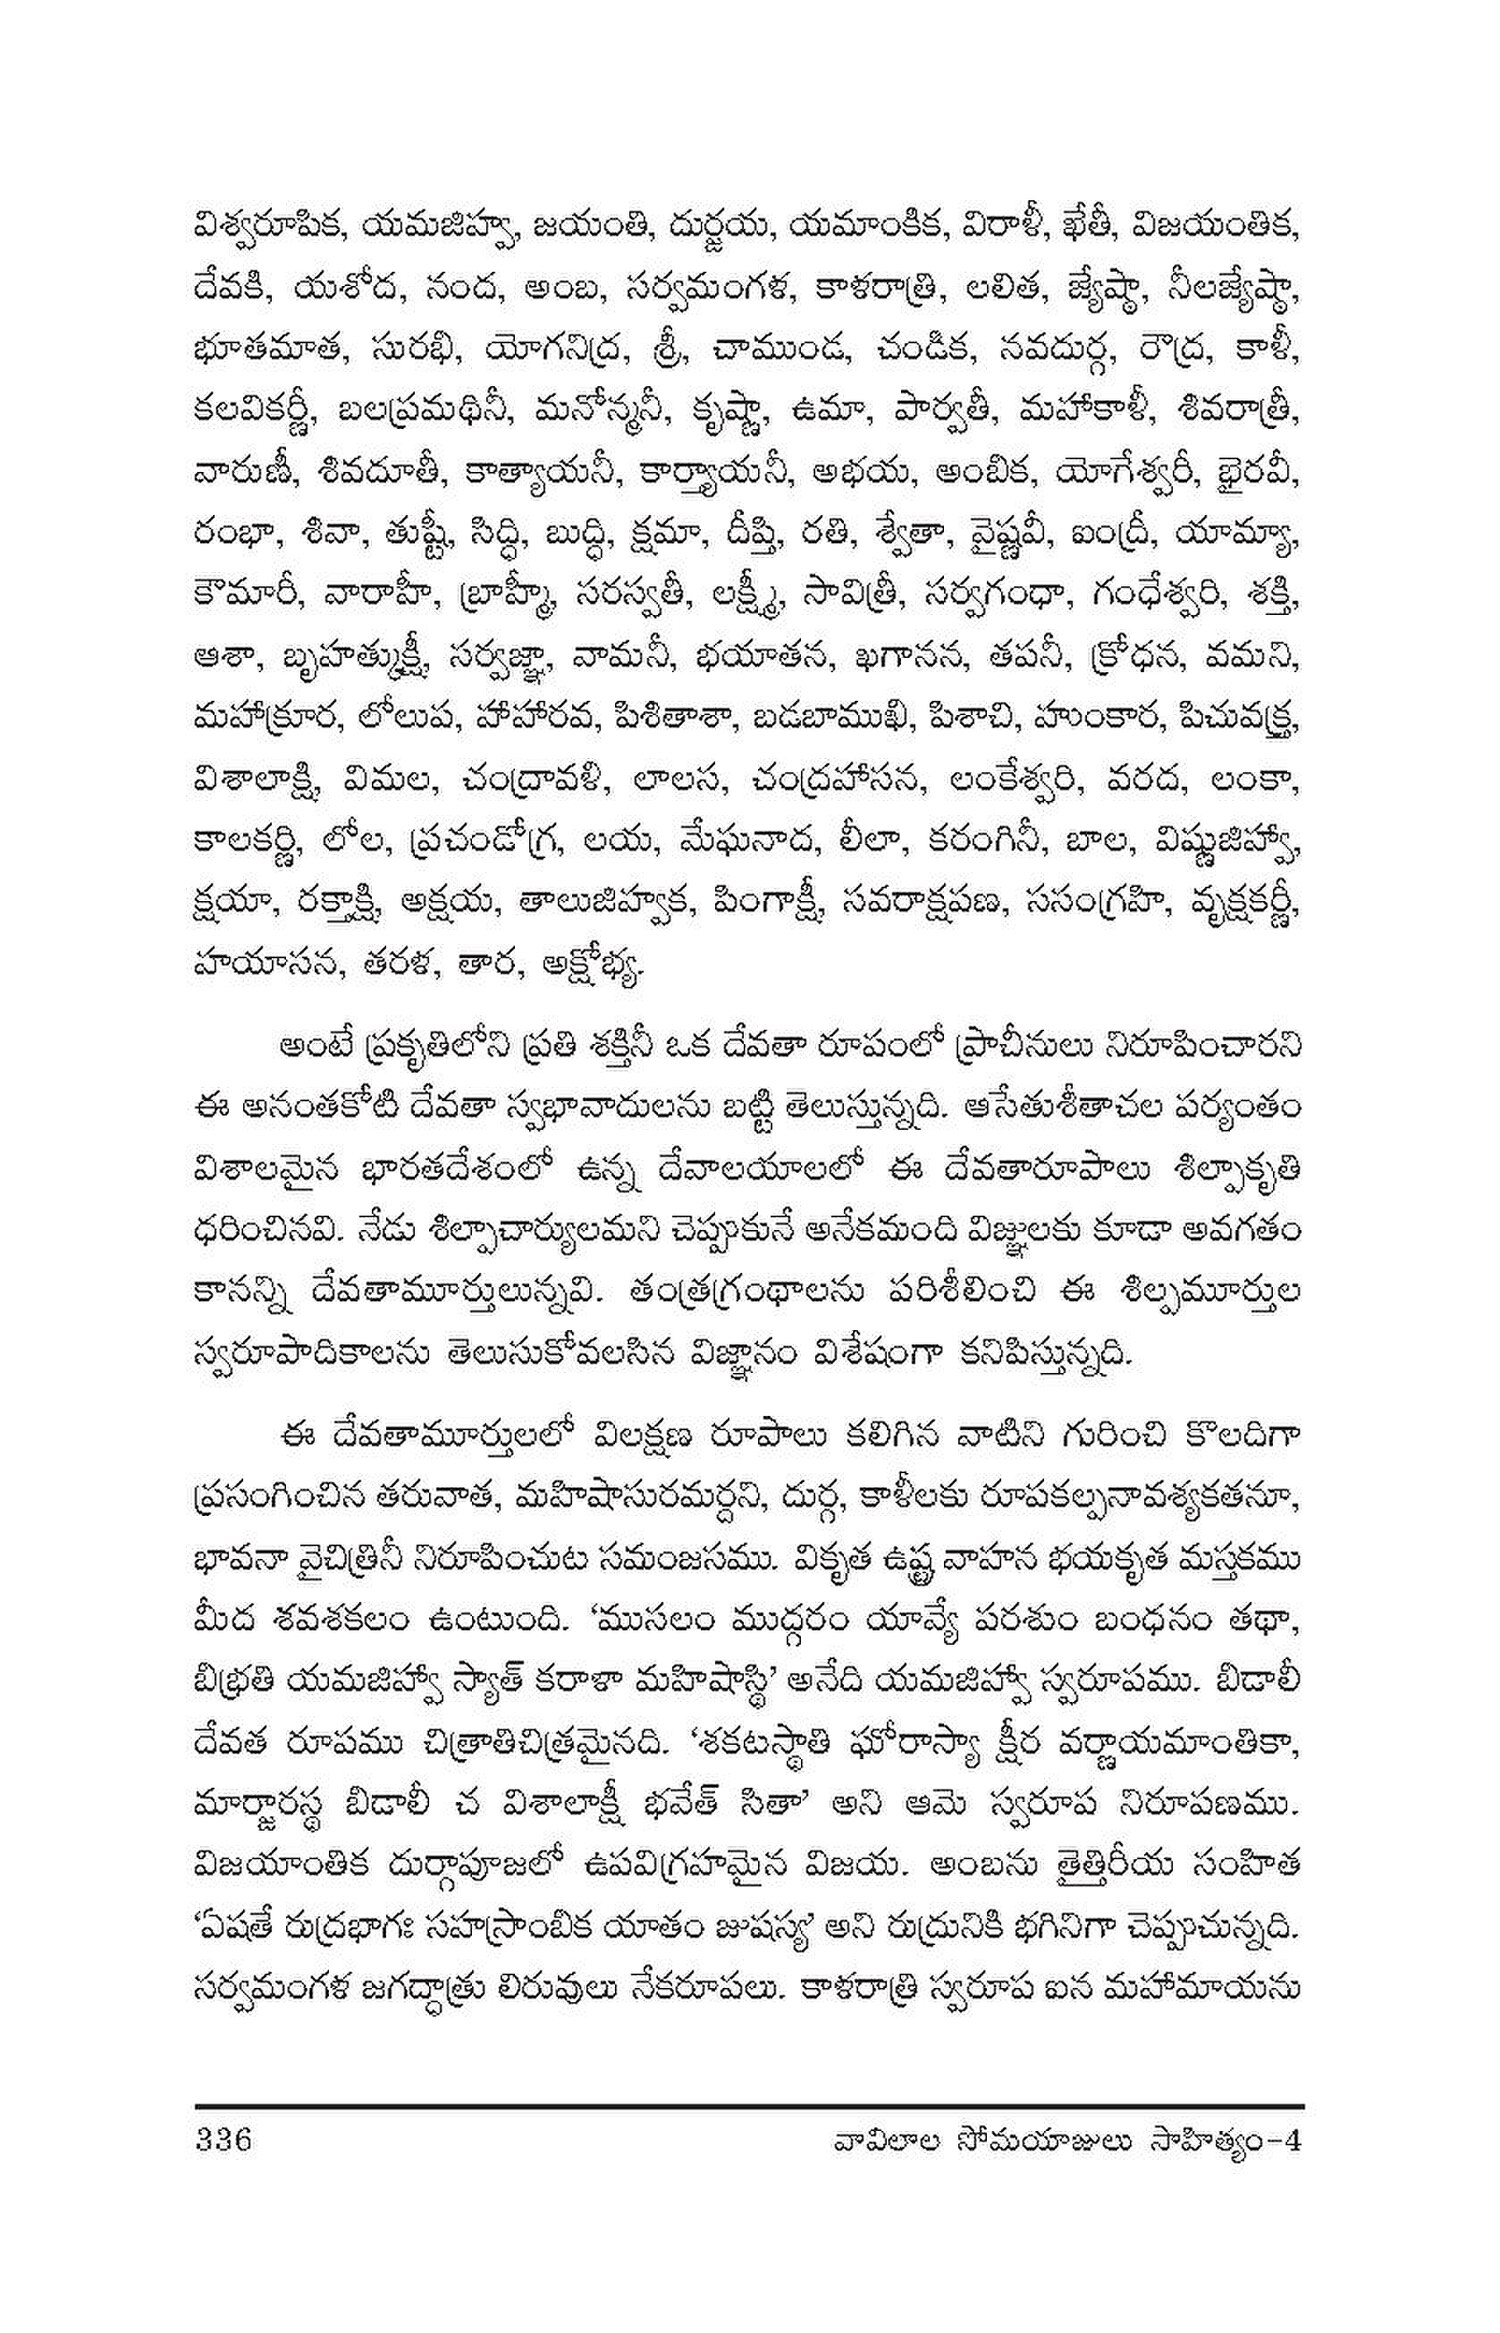విశ్వరూపిక, యమజిహ్వ, జయంతి, దుర్జయ, యమాంకిక, విరాళీ, భేతీ, విజయంతిక,
దేవకి, యశోద, నంద, అంబ, సర్వమంగళ, కాళరాత్రి, లలిత, జ్యేష్ఠా, నీలజ్యేష్ఠా,
భూతమాత, సురభి, యోగనిద్ర, శ్రీ, చాముండ, చండిక, నవదుర్గ, రౌద్ర, కాళీ,
కలవికర్జీ, బలప్రమథినీ, మనోన్మనీ, కృష్ణా, ఉమా, పార్వతీ, మహాకాళీ, శివరాత్రి,
వారుణీ, శివదూతీ, కాత్యాయనీ, కార్త్యాయనీ, అభయ, అంబిక, యోగేశ్వరీ, భైరవీ,
రంభా, శివా, తుష్టీ, సిద్ధి, బుద్ధి, క్షమా, దీప్తి, రతి, శ్వేతా, వైష్ణవీ, ఐంద్రీ, యామ్యా,
కౌమారీ, వారాహీ, బ్రాహ్మీ, సరస్వతీ, లక్ష్మీ, సావిత్రీ, సర్వగంధా, గంధేశ్వరి, శక్తి,
ఆశా, బృహత్ముక్షీ, సర్వజ్ఞా, వామనీ, భయాతన, ఖగానన, తపనీ, క్రోధన, వమని,
మహాక్రూర, లోలుప, హాహారవ, పిశితాశా, బడబాముఖి, పిశాచి, హుంకార, పిచువక్త్ర,
విశాలాక్షి, విమల, చంద్రావళి, లాలస, చంద్రహాసన, లంకేశ్వరి, వరద, లంకా,
కాలకర్ణి, లోల, ప్రచండోగ్ర, లయ, మేఘనాద, లీలా, కరంగినీ, బాల, విష్ణుజిహ్వా,
క్షయా, రక్తాక్షి, అక్షయ, తాలుజిహ్వక, పింగాక్షీ, సవరాక్షపణ, ససంగ్రహి, వృక్షకర్ణి,
హయాసన, తరళ, తార, అక్షోభ్య.

అంటే ప్రకృతిలోని ప్రతి శక్తినీ ఒక దేవతా రూపంలో ప్రాచీనులు నిరూపించారని
ఈ అనంతకోటి దేవతా స్వభావాదులను బట్టి తెలుస్తున్నది. ఆసేతుశీతాచల పర్యంతం
విశాలమైన భారతదేశంలో ఉన్న దేవాలయాలలో ఈ దేవతారూపాలు శిల్పాకృతి
ధరించినవి. నేడు శిల్పాచార్యులమని చెప్పుకునే అనేకమంది విజ్ఞులకు కూడా అవగతం
కానన్ని దేవతామూర్తులున్నవి. తంత్రగ్రంథాలను పరిశీలించి ఈ శిల్పమూర్తుల
స్వరూపాదికాలను తెలుసుకోవలసిన విజ్ఞానం విశేషంగా కనిపిస్తున్నది.

ఈ దేవతామూర్తులలో విలక్షణ రూపాలు కలిగిన వాటిని గురించి కొలదిగా
ప్రసంగించిన తరువాత, మహిషాసురమర్దని, దుర్గ, కాళీలకు రూపకల్పనావశ్యకతనూ,
భావనా వైచిత్రినీ నిరూపించుట సమంజసము. వికృత ఉష్ణ వాహన భయకృత మస్తకము
మీద శవశకలం ఉంటుంది. 'ముసలం ముద్గరం యావ్యే పరశుం బంధనం తథా,
బిభ్రతి యమజిహ్వా స్యాత్ కరాళా మహిషాస్థి' అనేది యమజిహ్వా స్వరూపము. బిడాలీ
దేవత రూపము చిత్రాతిచిత్రమైనది. 'శకటస్థాతి ఘోరాస్యా క్షీర వర్ణాయమాంతికా,
మార్జారస్థ బిడాలీ చ విశాలాక్షీ భవేత్ సితా' అని ఆమె స్వరూప నిరూపణము.
విజయాంతిక దుర్గాపూజలో ఉపవిగ్రహమైన విజయ. అంబను తైత్తిరీయ సంహిత
'ఏషతే రుద్రభాగః సహస్రాంబిక యాతం జుషస్య' అని రుద్రునికి భగినిగా చెప్పుచున్నది.
సర్వమంగళ జగద్ధాత్రు లిరువులు నేకరూపలు కాళరాత్రి స్వరూప ఐన మహామాయను